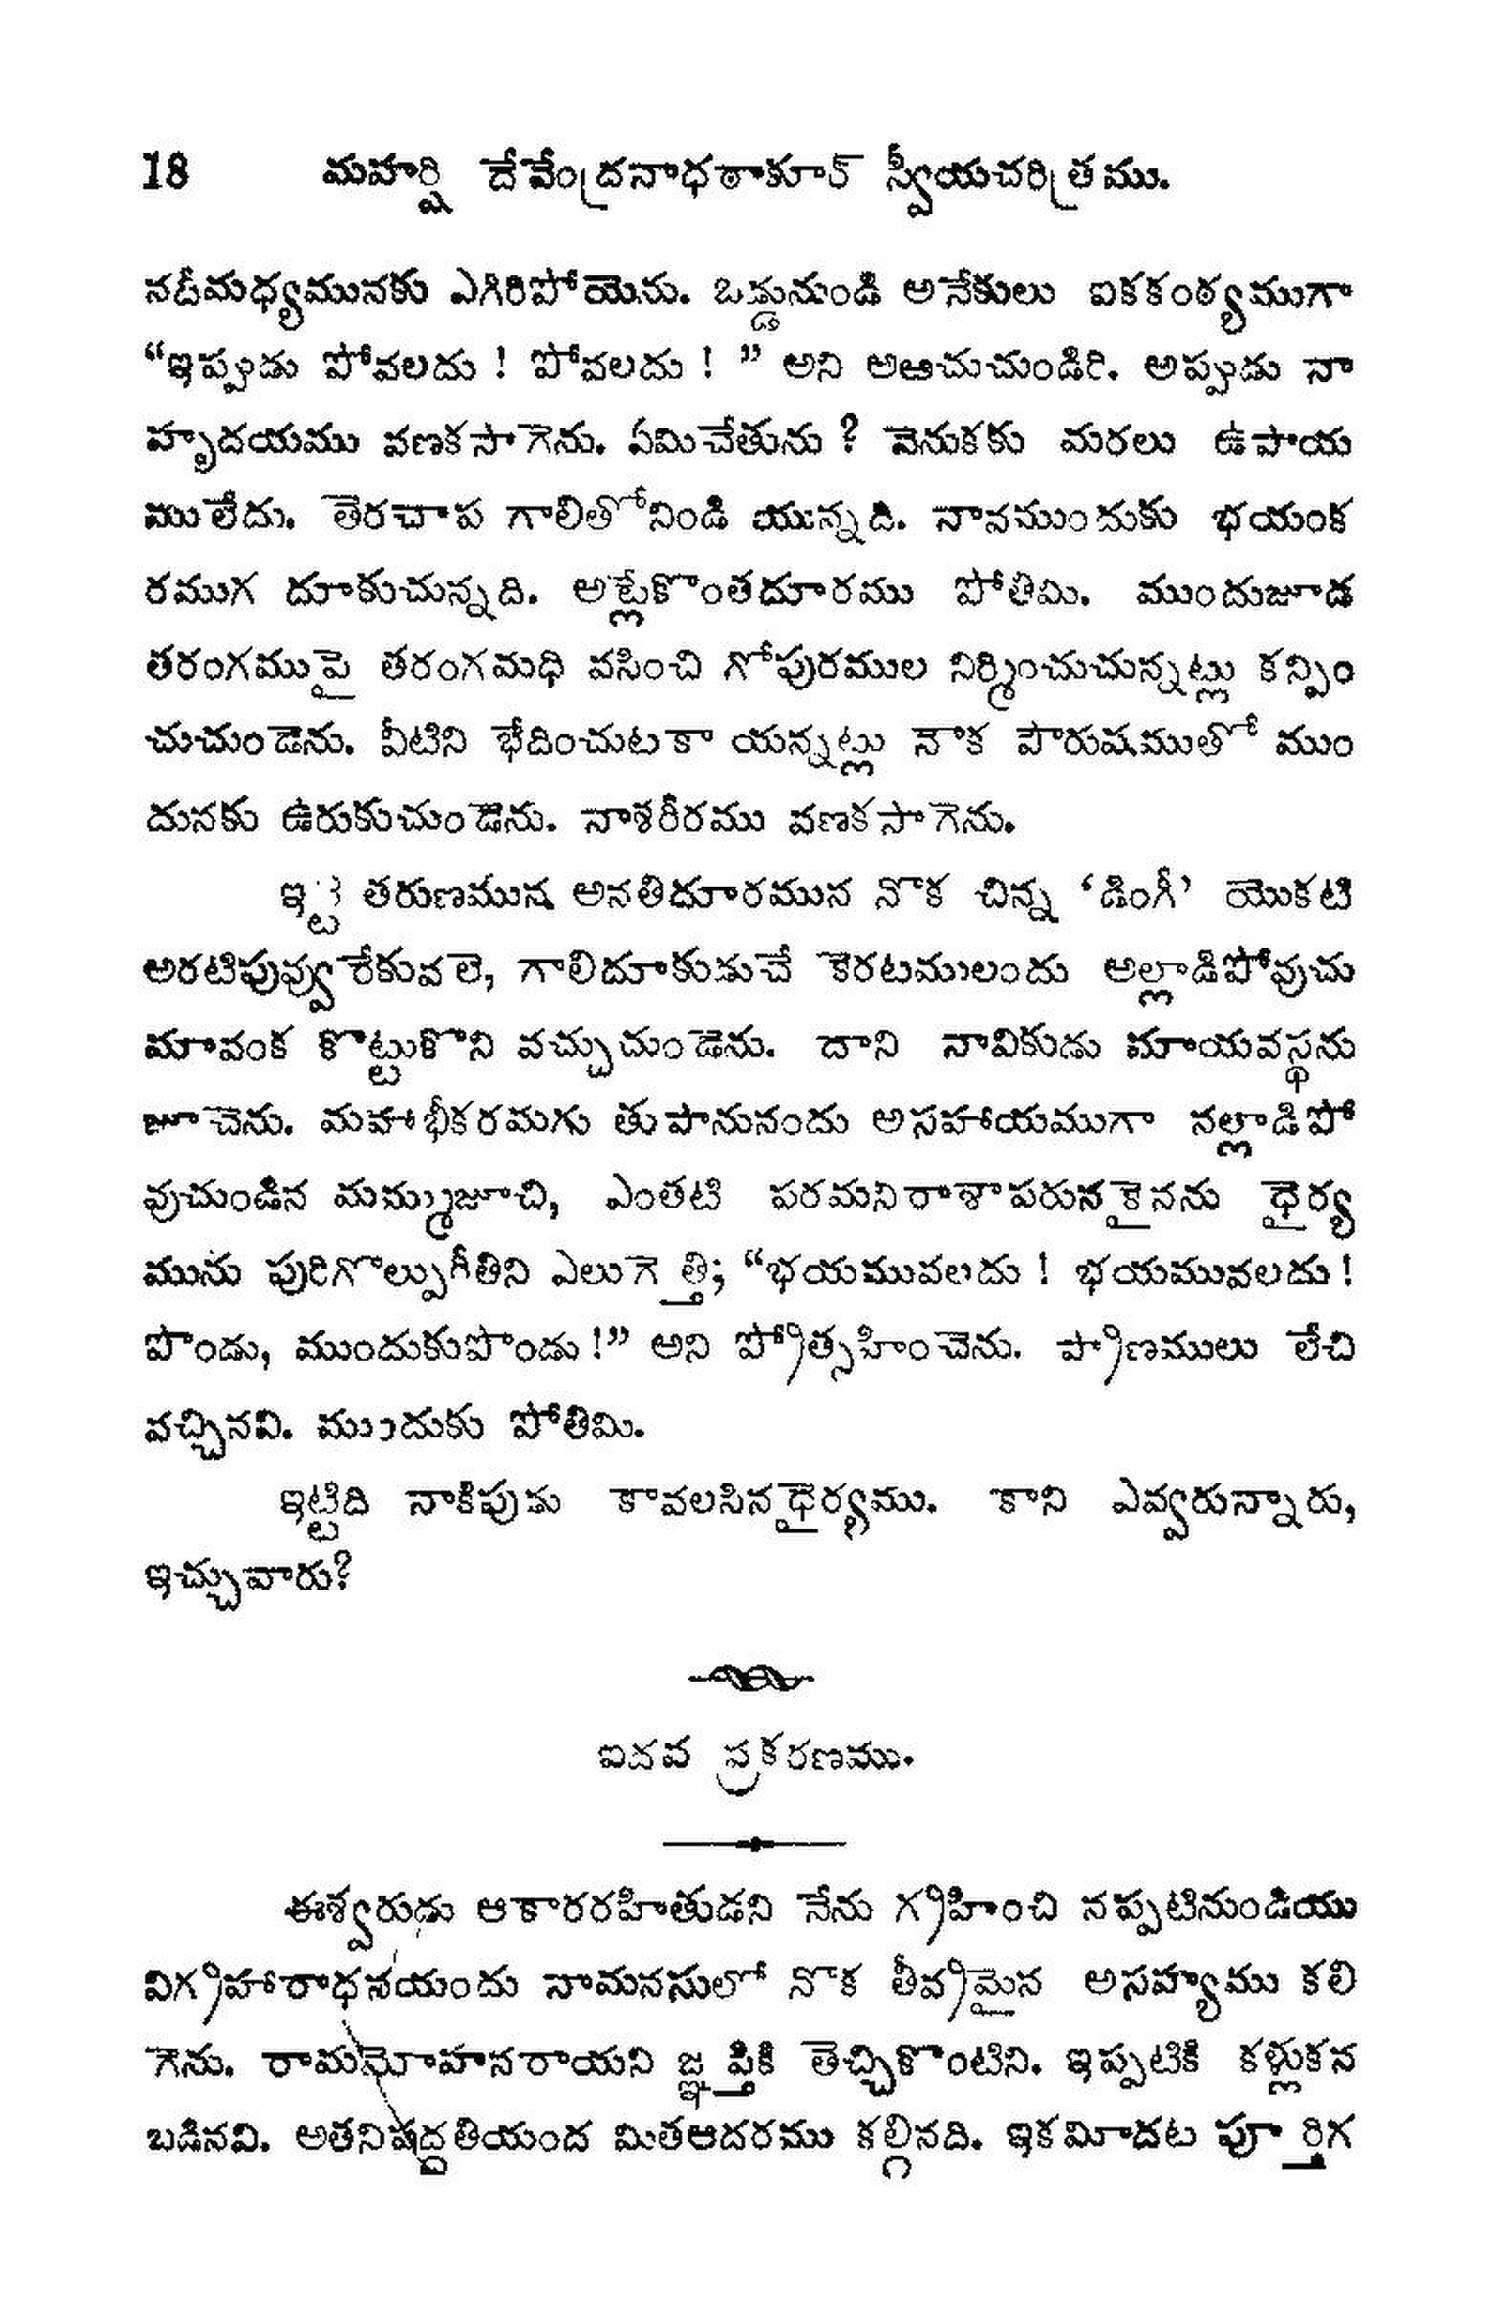నడి మధ్యమునకు ఎగిరి పోయెను. ఒడ్డునుండి అనేకులు ఐకకంఠ్యముగా “ఇప్పుడు పోవలదు ! పోవలదు ! " అని అఱచుచుండిరి. అప్పుడు నా హృదయము వణక సాగెను. ఏమిచేతును ? వెనుకకు మరలు ఉపాయములేదు. తెరచాప గాలితో నిండి యున్నది. నావముందుకు భయంకరముగ దూకుచున్నది. అట్లే కొంత దూరము పోతాయి. ముందుజూడ తరంగముపై తరంగమధివసించి గోపురముల నిర్మించు చున్నట్లు కన్పించుచుండెను. వీటిని భేదించుటకా యన్నట్లు నౌక పౌరుషముతో ముందునకు ఉరుకుచుండెను. నాశరీరము వణక సాగెను.

ఇ తరుణమున అనతి దూరమున నొక చిన్న ‘డింగీ' యొకటి అరటిపువ్వు రేకువలె, గాలి దూకుడుచే కెరటములందు అల్లాడి పోవుచు మావంక కొట్టుకొని వచ్చు చుండెను. దాని నావికుడు మాయవస్థను జూచెను. మహా భీకరమగు తుపానునందు అసహాయముగా నల్లాడిపోవు చుండిన మమ్ముజూచి, ఎంతటి పరమ నిరాశాపరున కైనను ధైర్యమును పురిగొల్పు గీతిని ఎలుగెత్తి; “భయమువలదు ! భయమువలదు! పొండు, ముందుకుపొండు !” అని ప్రోత్సహించెను. ప్రాణములు లేచి వచ్చినవి. ముందుకు పోతిమి.

ఇట్టిది నాపిడు కావలసిన ధైర్యము. కాని ఎవ్వరున్నారు, ఇచ్చువారు?

ఈశ్వరుడు ఆకారరహితుడని నేను గ్రహించి నప్పటినుండియు విగ్రహారాధనయందు నామనసులో నొక తీవ్రమైన అసహ్యము కలి గెను. రామమోహనరాయని జ్ఞప్తికి తెచ్చికొంటిని. ఇప్పటికి కళ్లుకన బడినవి. అతనిషద్ద తియంద మిత ఆదరము కల్గినది. ఇక మీదట పూర్తిగ